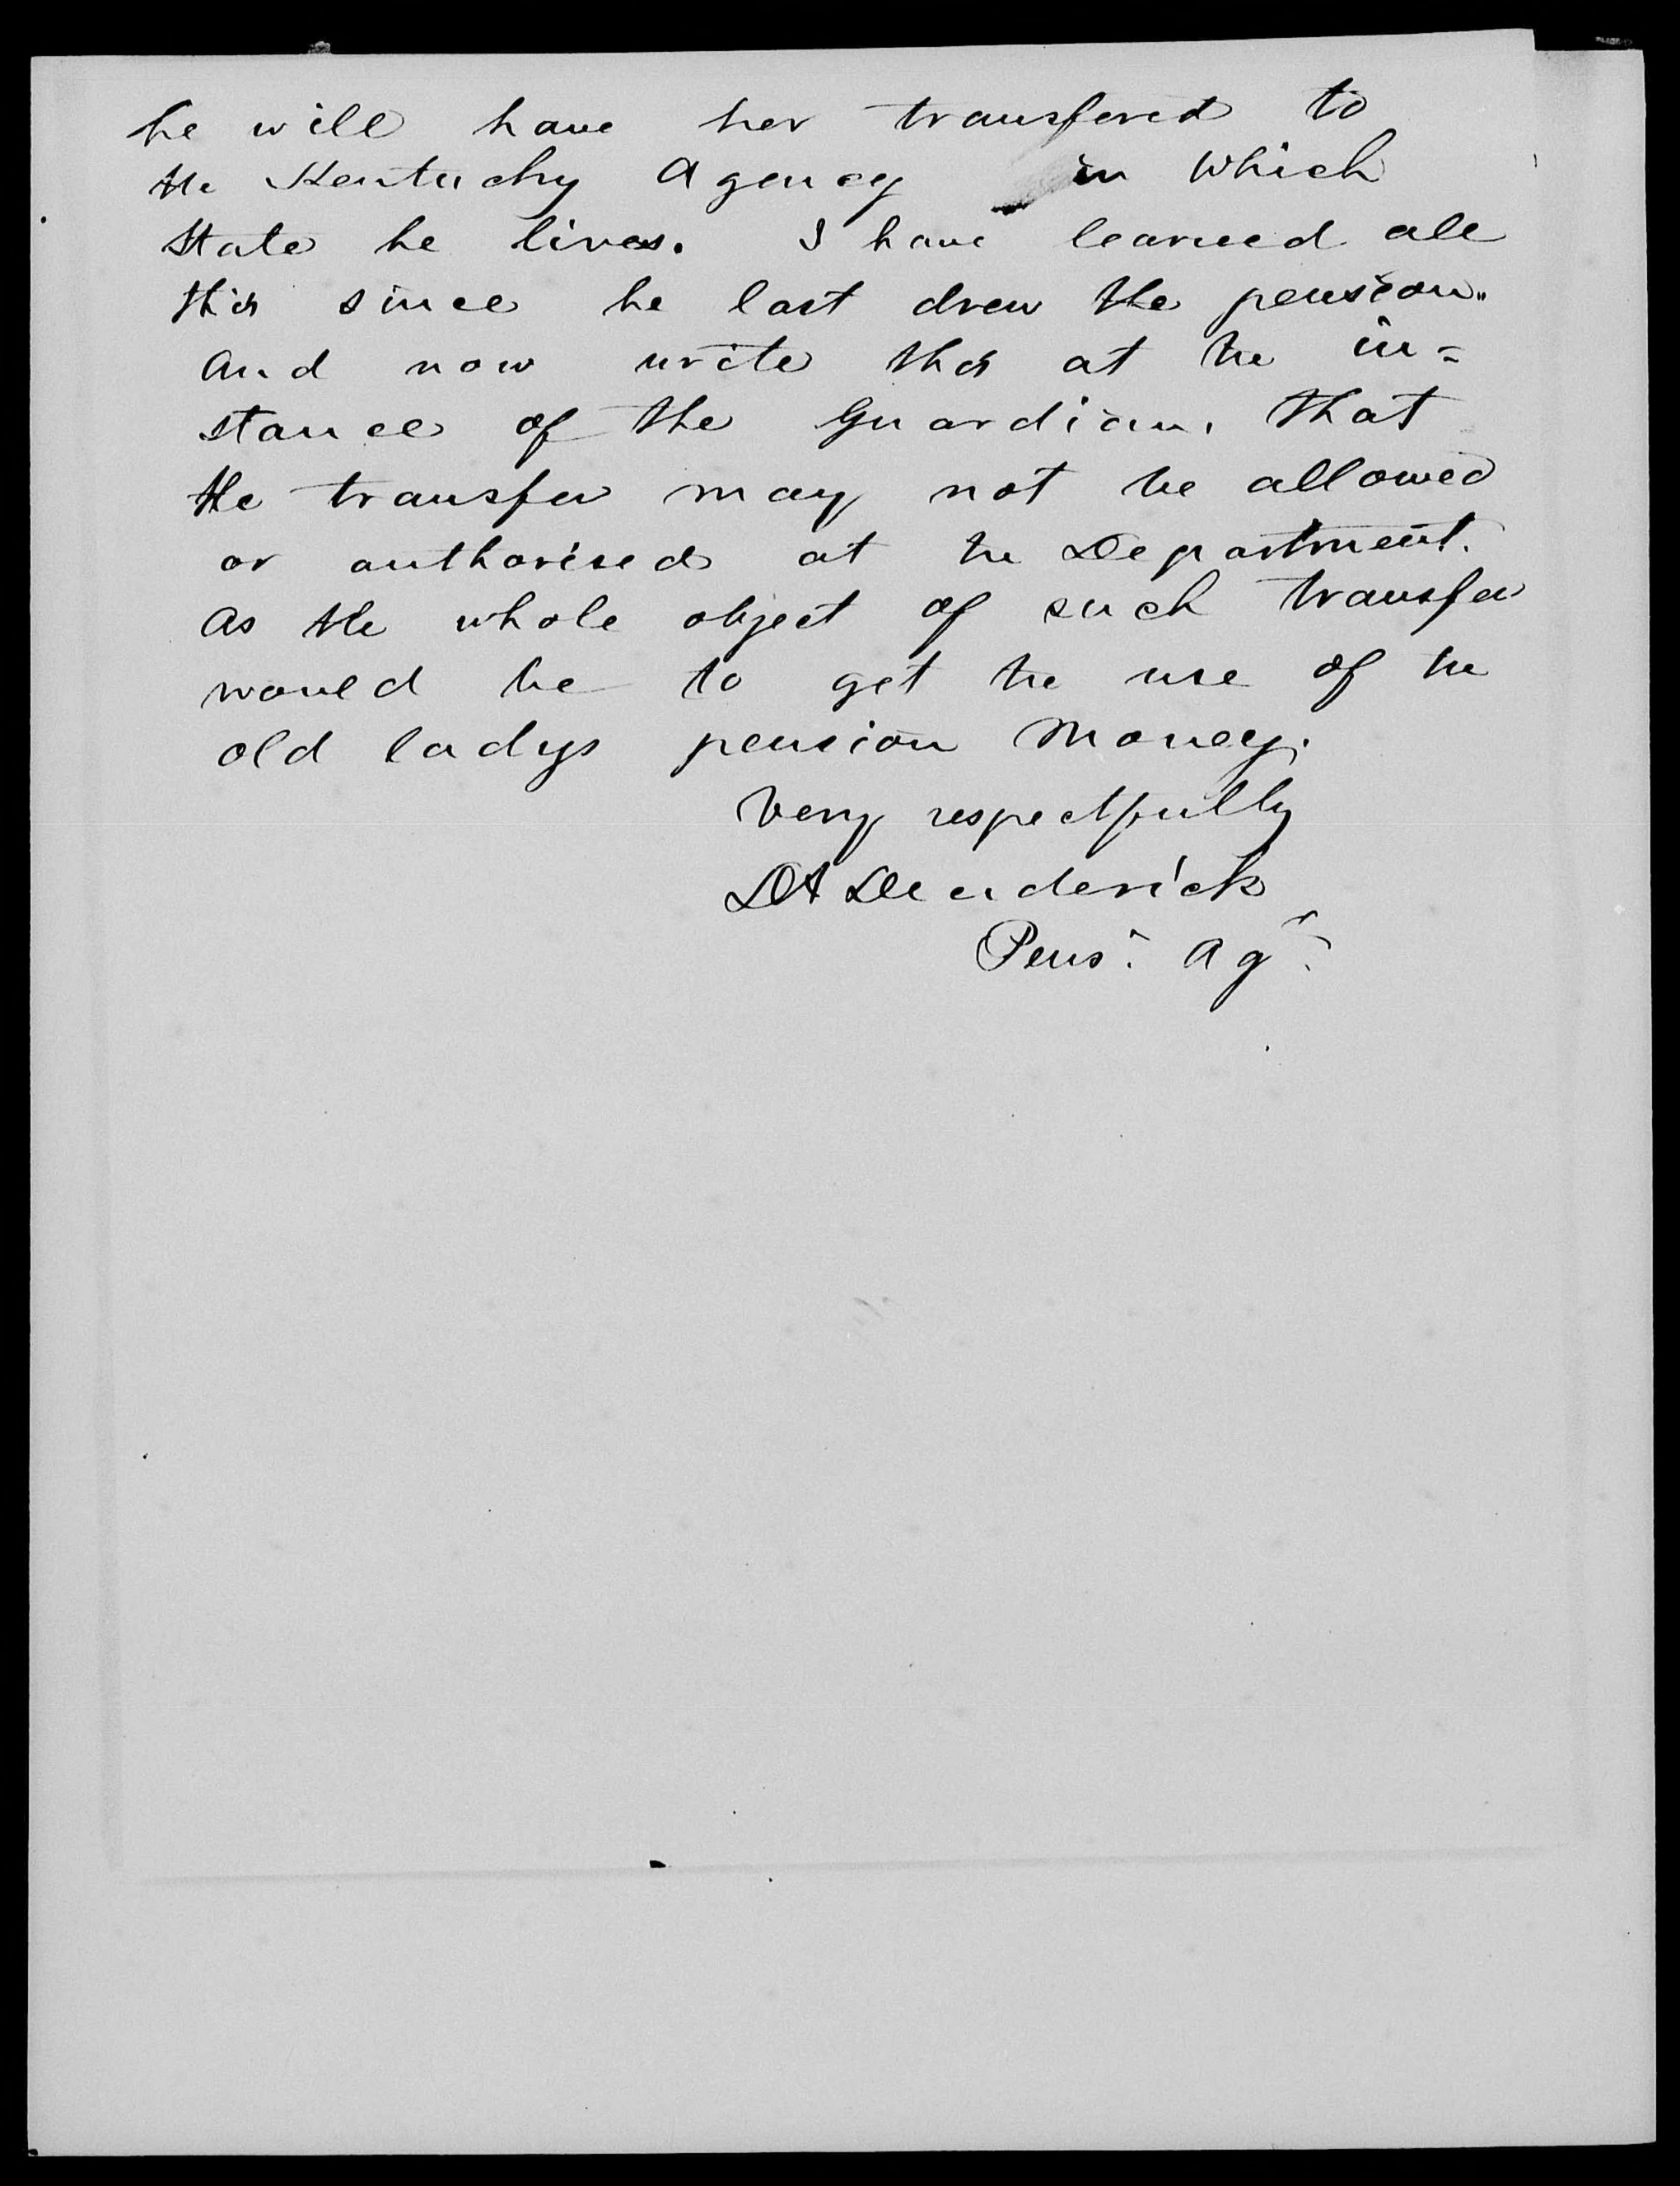he will have her transfered to 
the Kentucky Agency in which 
State he lives.  I have learned all 
this since he last drew the pension. 
And now write this at the in=
stance of the Guardian, that 
the transfer may not be allowed 
or authorized at the Department 
as the whole object of such transfer 
would be to get the use of the 
old ladys pension money. 
Very respectfully 
DA Decederick 
Pens. Agt.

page: 23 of 120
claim: widow's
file: W. 1044, for Salathiel Martin, North Carolina